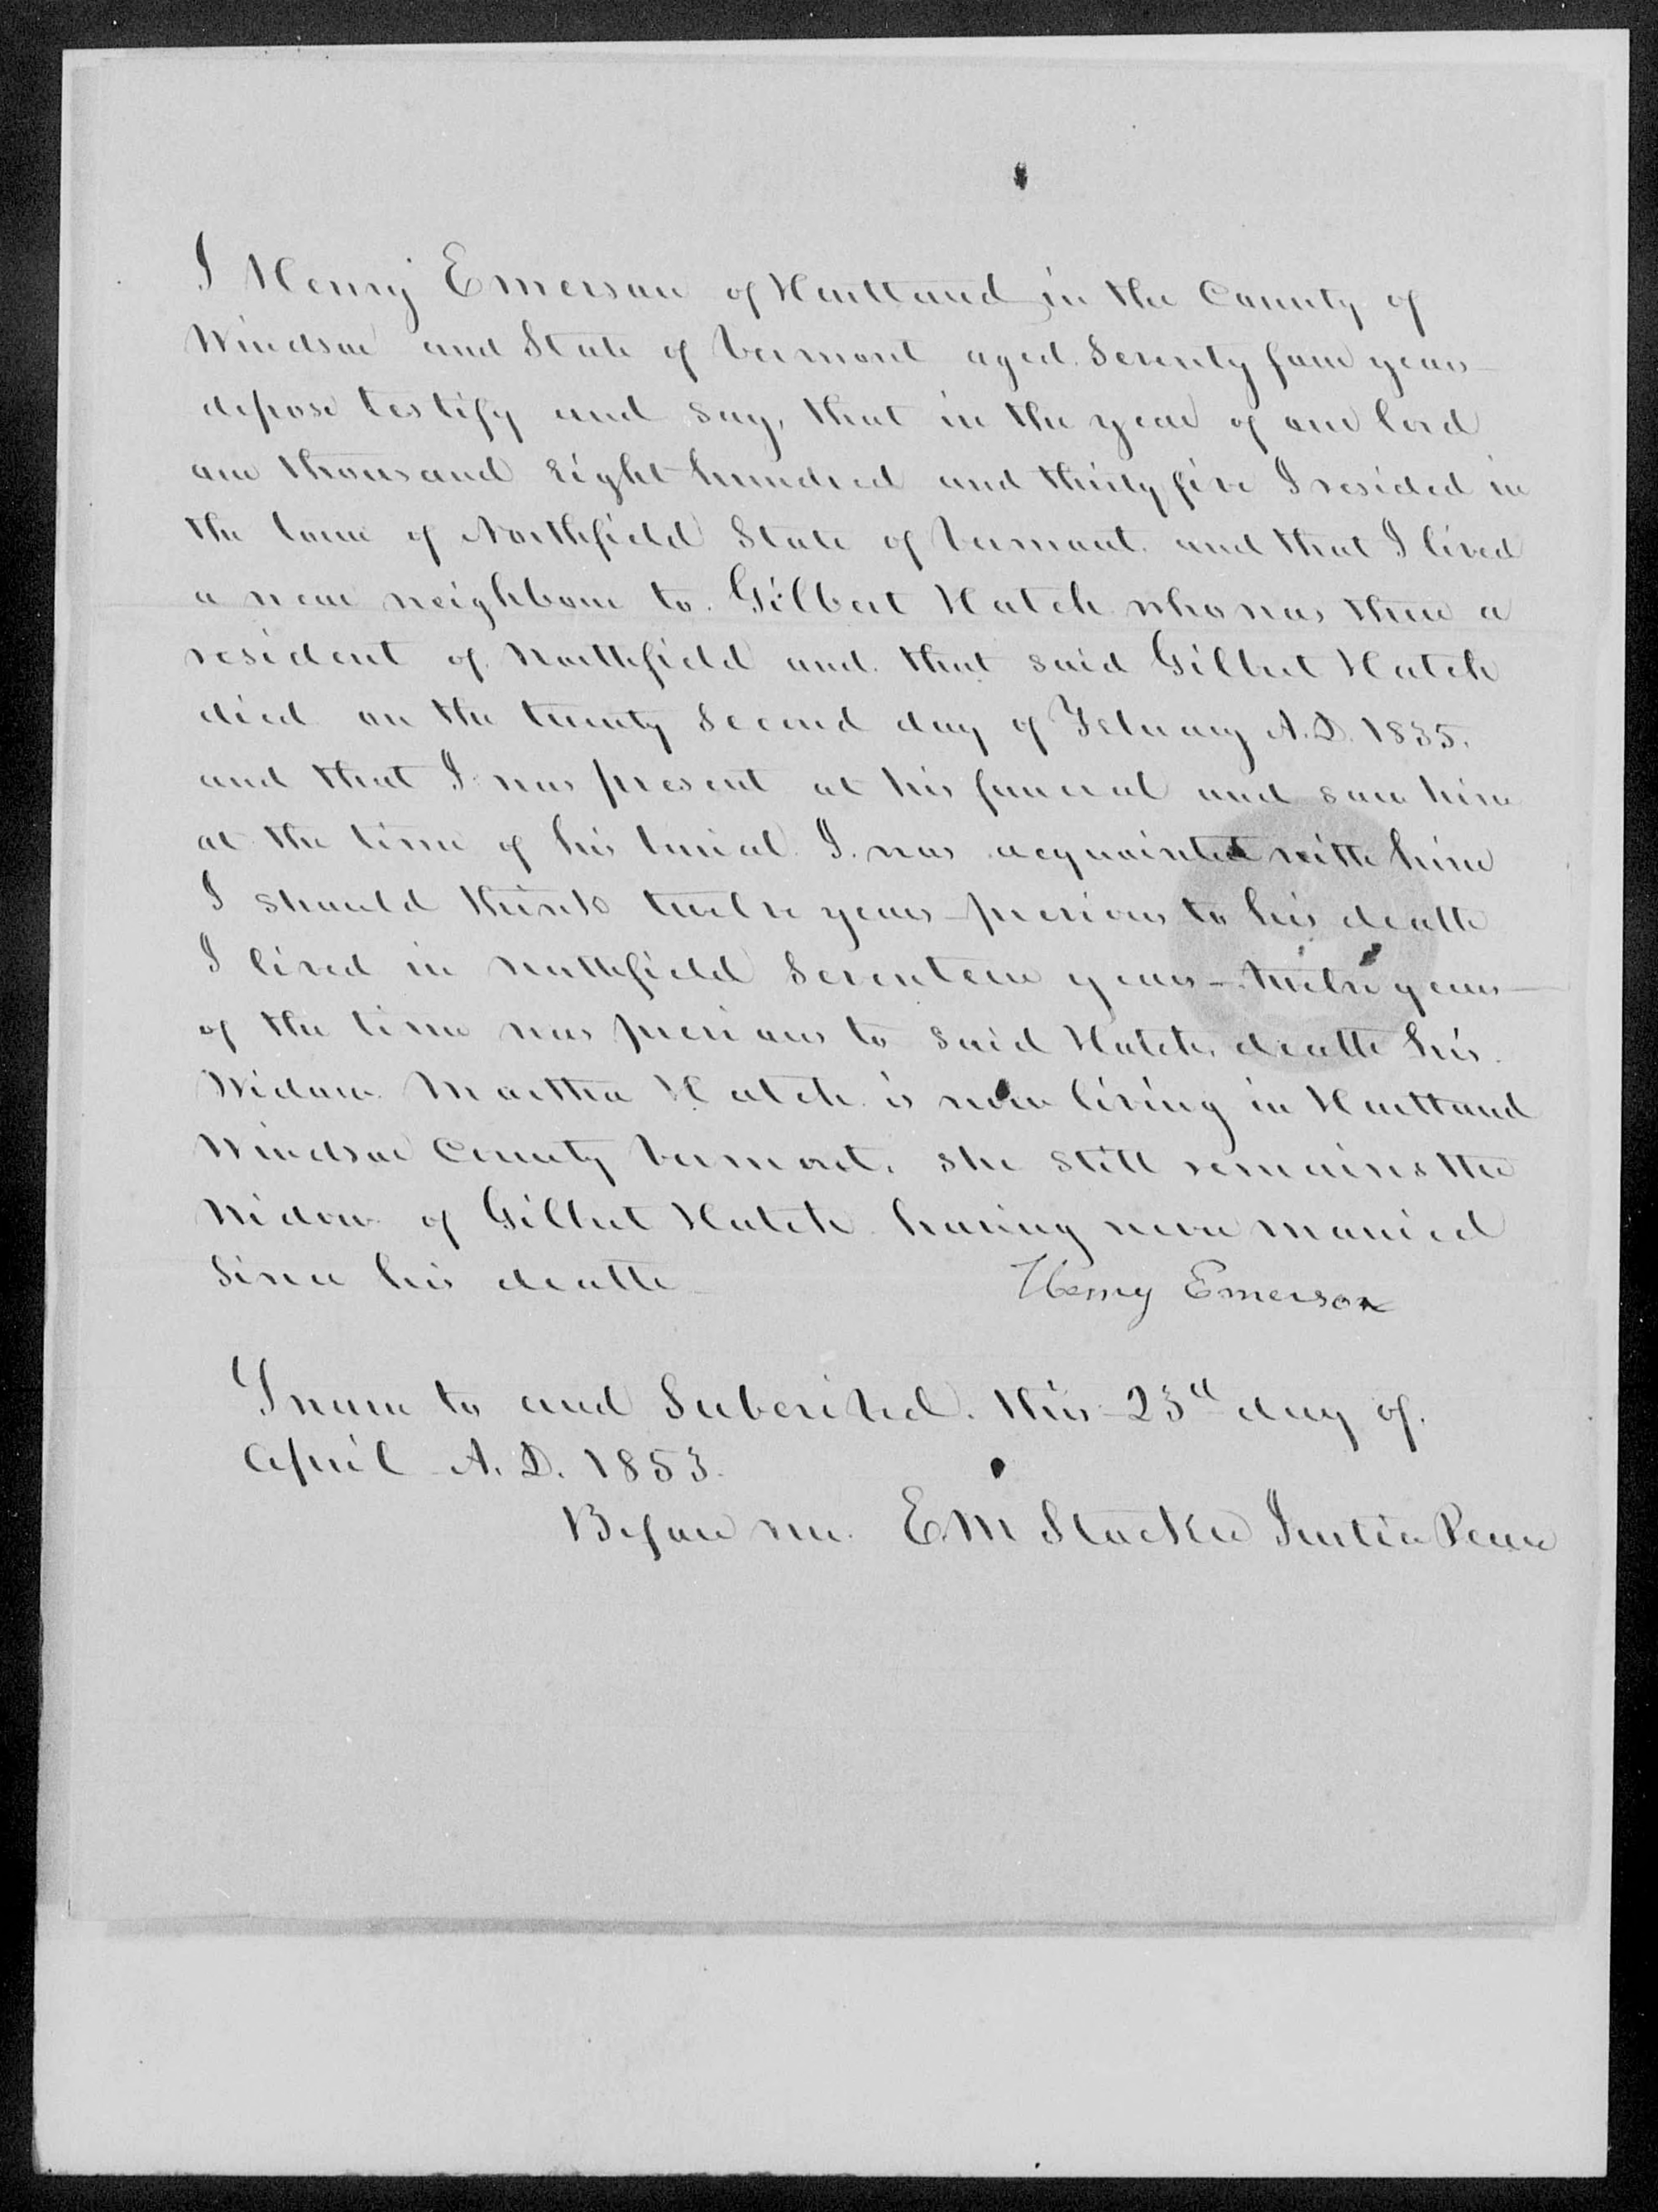I Henry Emerson of Hartland in the County of Windsor and State of Vermont aged Seventy four years depose testify and say that in the year of our lord one thousand eight hundred and thirty five I resided in the town of Northfield State of Vermont and that I lived a near neighbor to Gilbert Hatch who was then a resident of Northfield and that said Gilbert Hatch
died on the twenty second day of February A.D. 1835. and that I was present at his funeral and saw him at the time of his burial. I was acquainted with him I should think twelve years previous to his death I lived in Northfield Seventeen years twelve years of the time was previous to said Hatch's death. His widow Martha Hatch is now living in Hartland
Windsor County Vermont. She still remains the widow of Gilbert Hatch having never married
since his death

Henry Emerson


Sworn to and subscribed this 23d day of April A.D. 1853

Before me E M Stocker Justice Peace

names: E M Stocker, Martha Hatch, Hatch, Gilbert Hatch, Gilbert Hatch, Gilbert Hatch, Henry Emerson, Henry Emerson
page: 19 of 47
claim: widow's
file: W. 225, Gilbert Hatch, Conn.